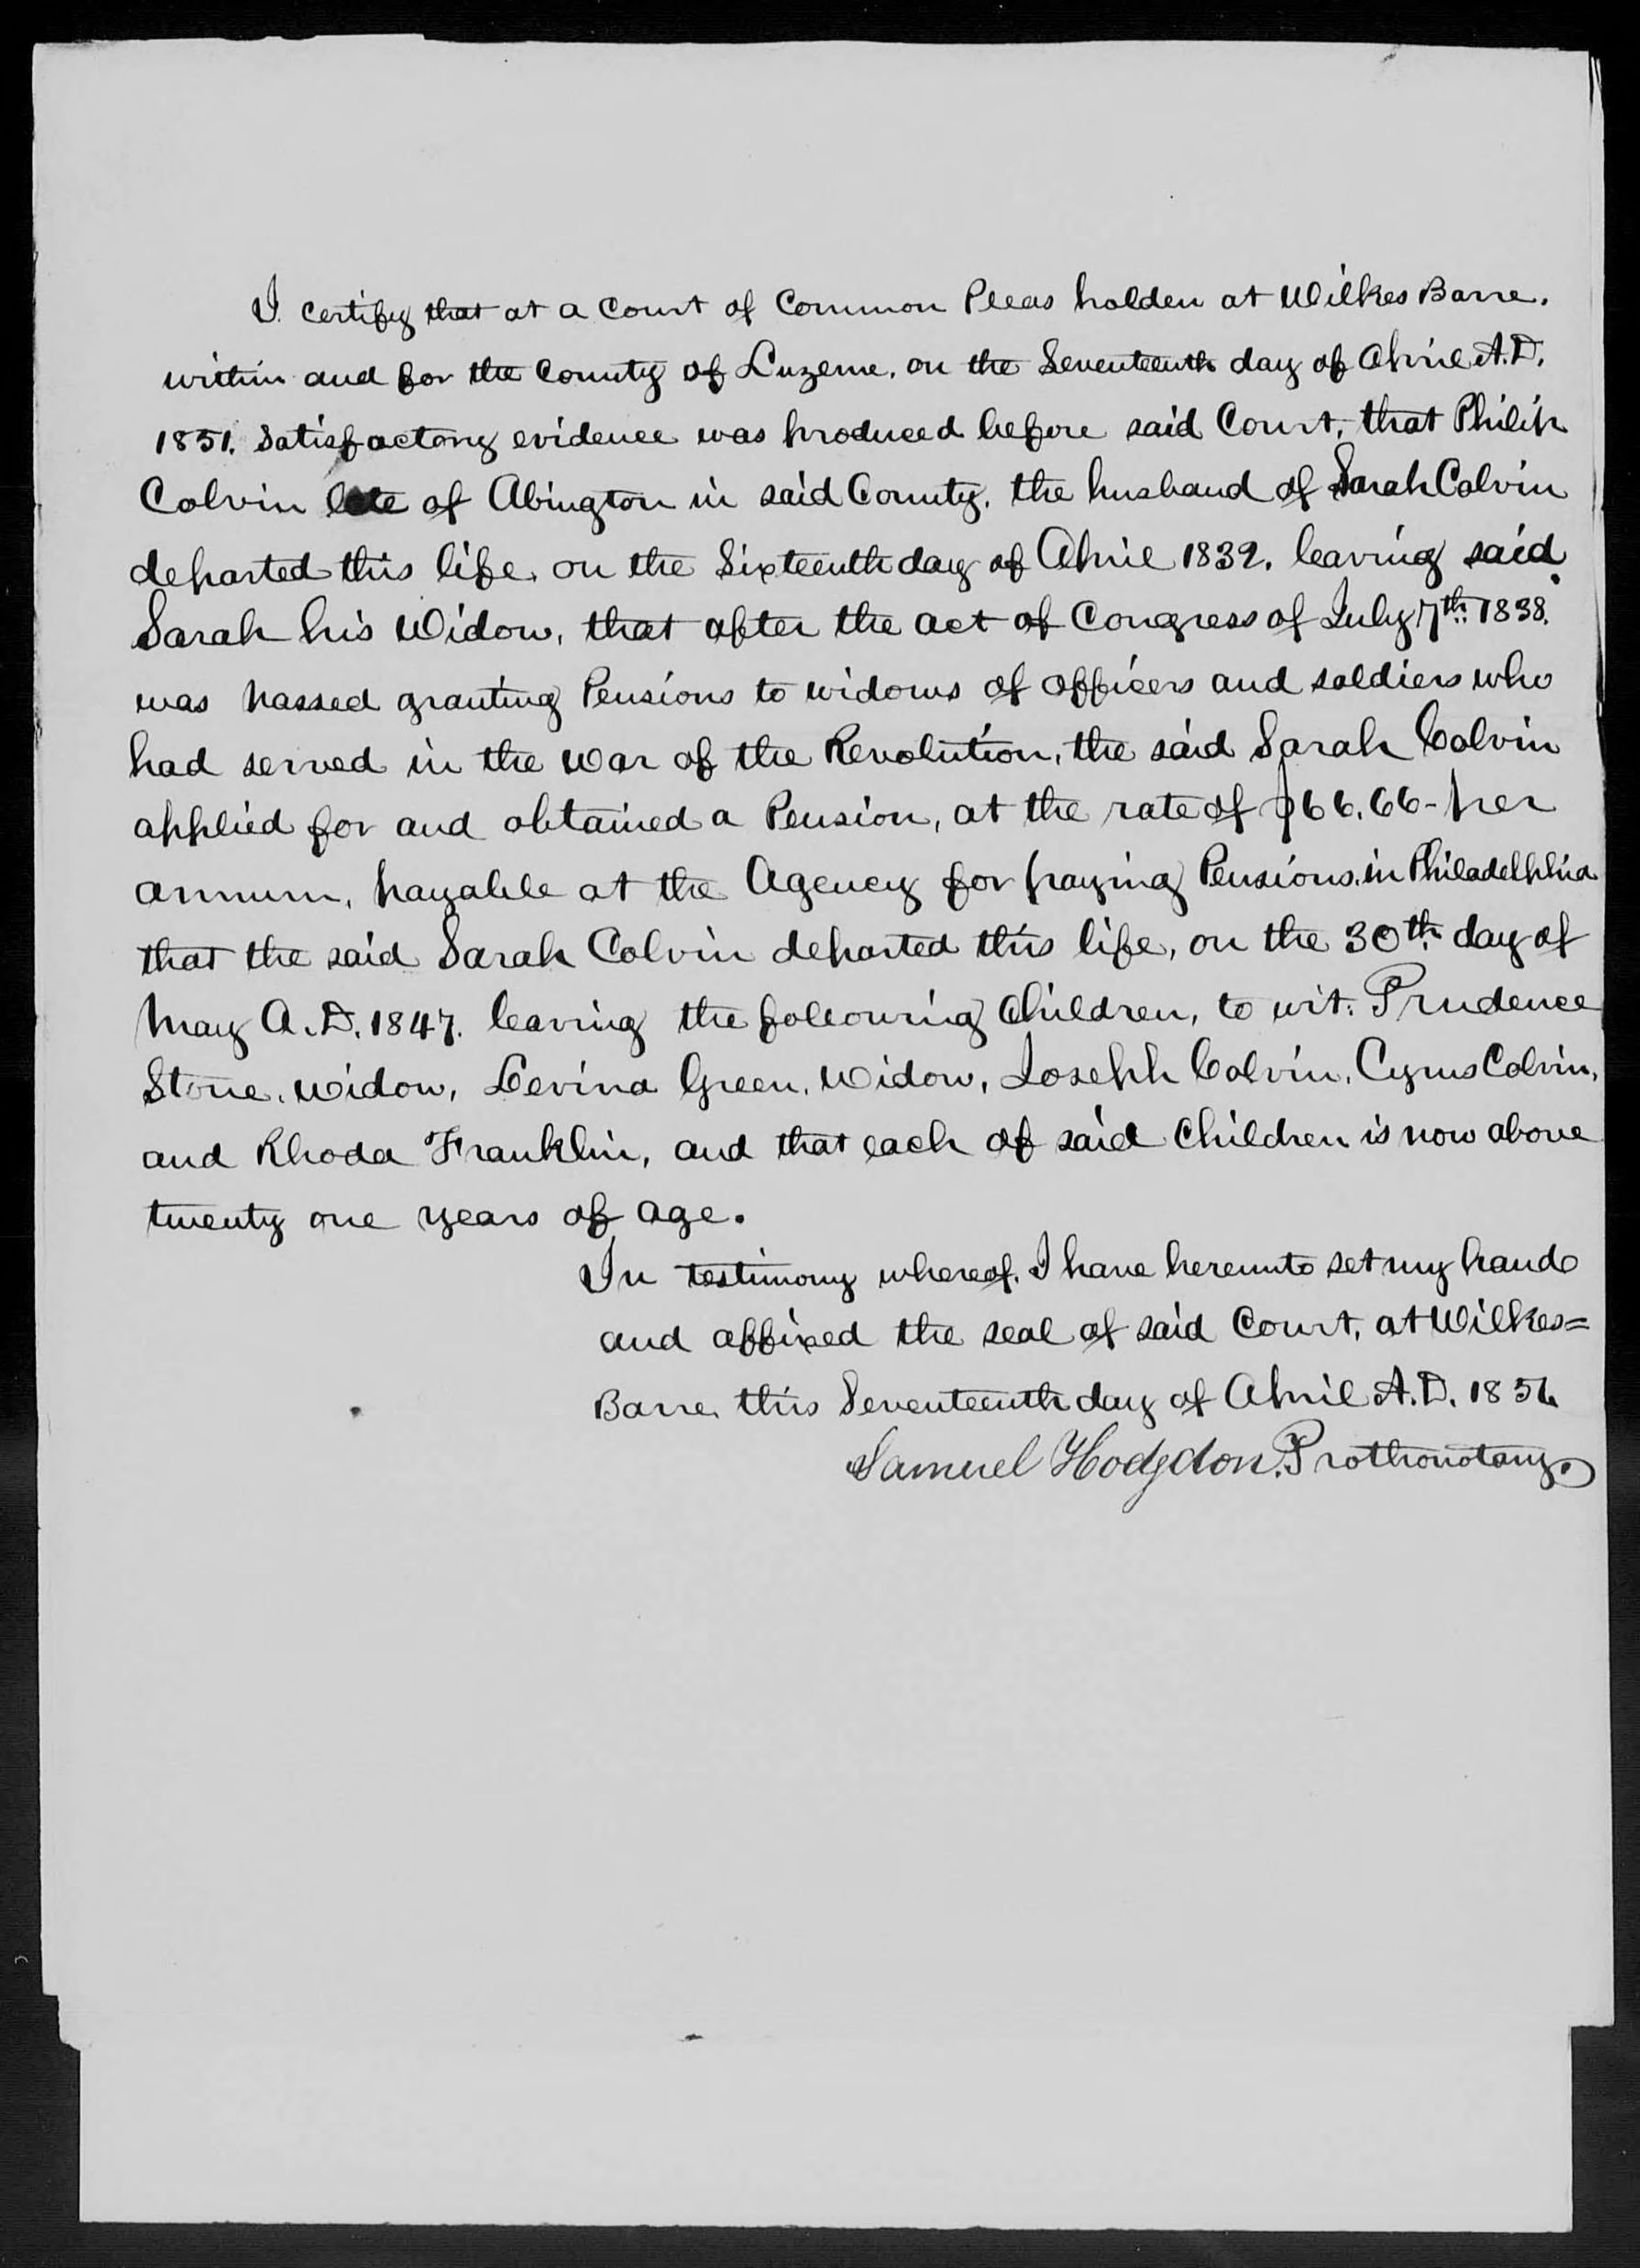I certify that at a court of Common Pleas holders at Wilkes Barre, within and for the county of Luzerne, on the seventeenth day of April A.D. 1851. Satisfactory evidence was produced before said Court, that Philip Colvin late of Abington in said County. The husband of Sarah Colvin departed this life on the sixteenth day of April 1832, leaving said Sarah his widow, that after the act of Congress of July 7th 1838, was passed granting pensions to widows of officers and soldiers who had served in the war of the Revolution, the said Sarah Colvin applied for and obtained a pension, at the rate of $66.66 per annum, payable at the agency for paying pensions in Philadelphia. That the said Sarah Colvin departed this life, on the 30th day of May A.D. 1847, leaving the following children, to wit: Prudence Stone, widow, Levina Green, widow, Joseph Colvin, Cyrus Colvin, and Rhoda Franklin, and that each of said children is now above twenty one years of age.
In testimony whereof, I have hereunto set my hand and affixed the seal of said court, at Wilkes Barre this seventeenth day of April A.D. 1856.
Samuel Hodgdon, Prothonotary.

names: Rhoda Franklin, Sarah, Samuel Hodgdon, Cyrus Colvin, Sarah Colvin, Prudence Stone, Sarah Colvin, Philip Colvin, Levina Green, Joseph Colvin, Sarah Colvin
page: 29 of 41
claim: widow's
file: W. 3513, Philip Colvin, R.I.